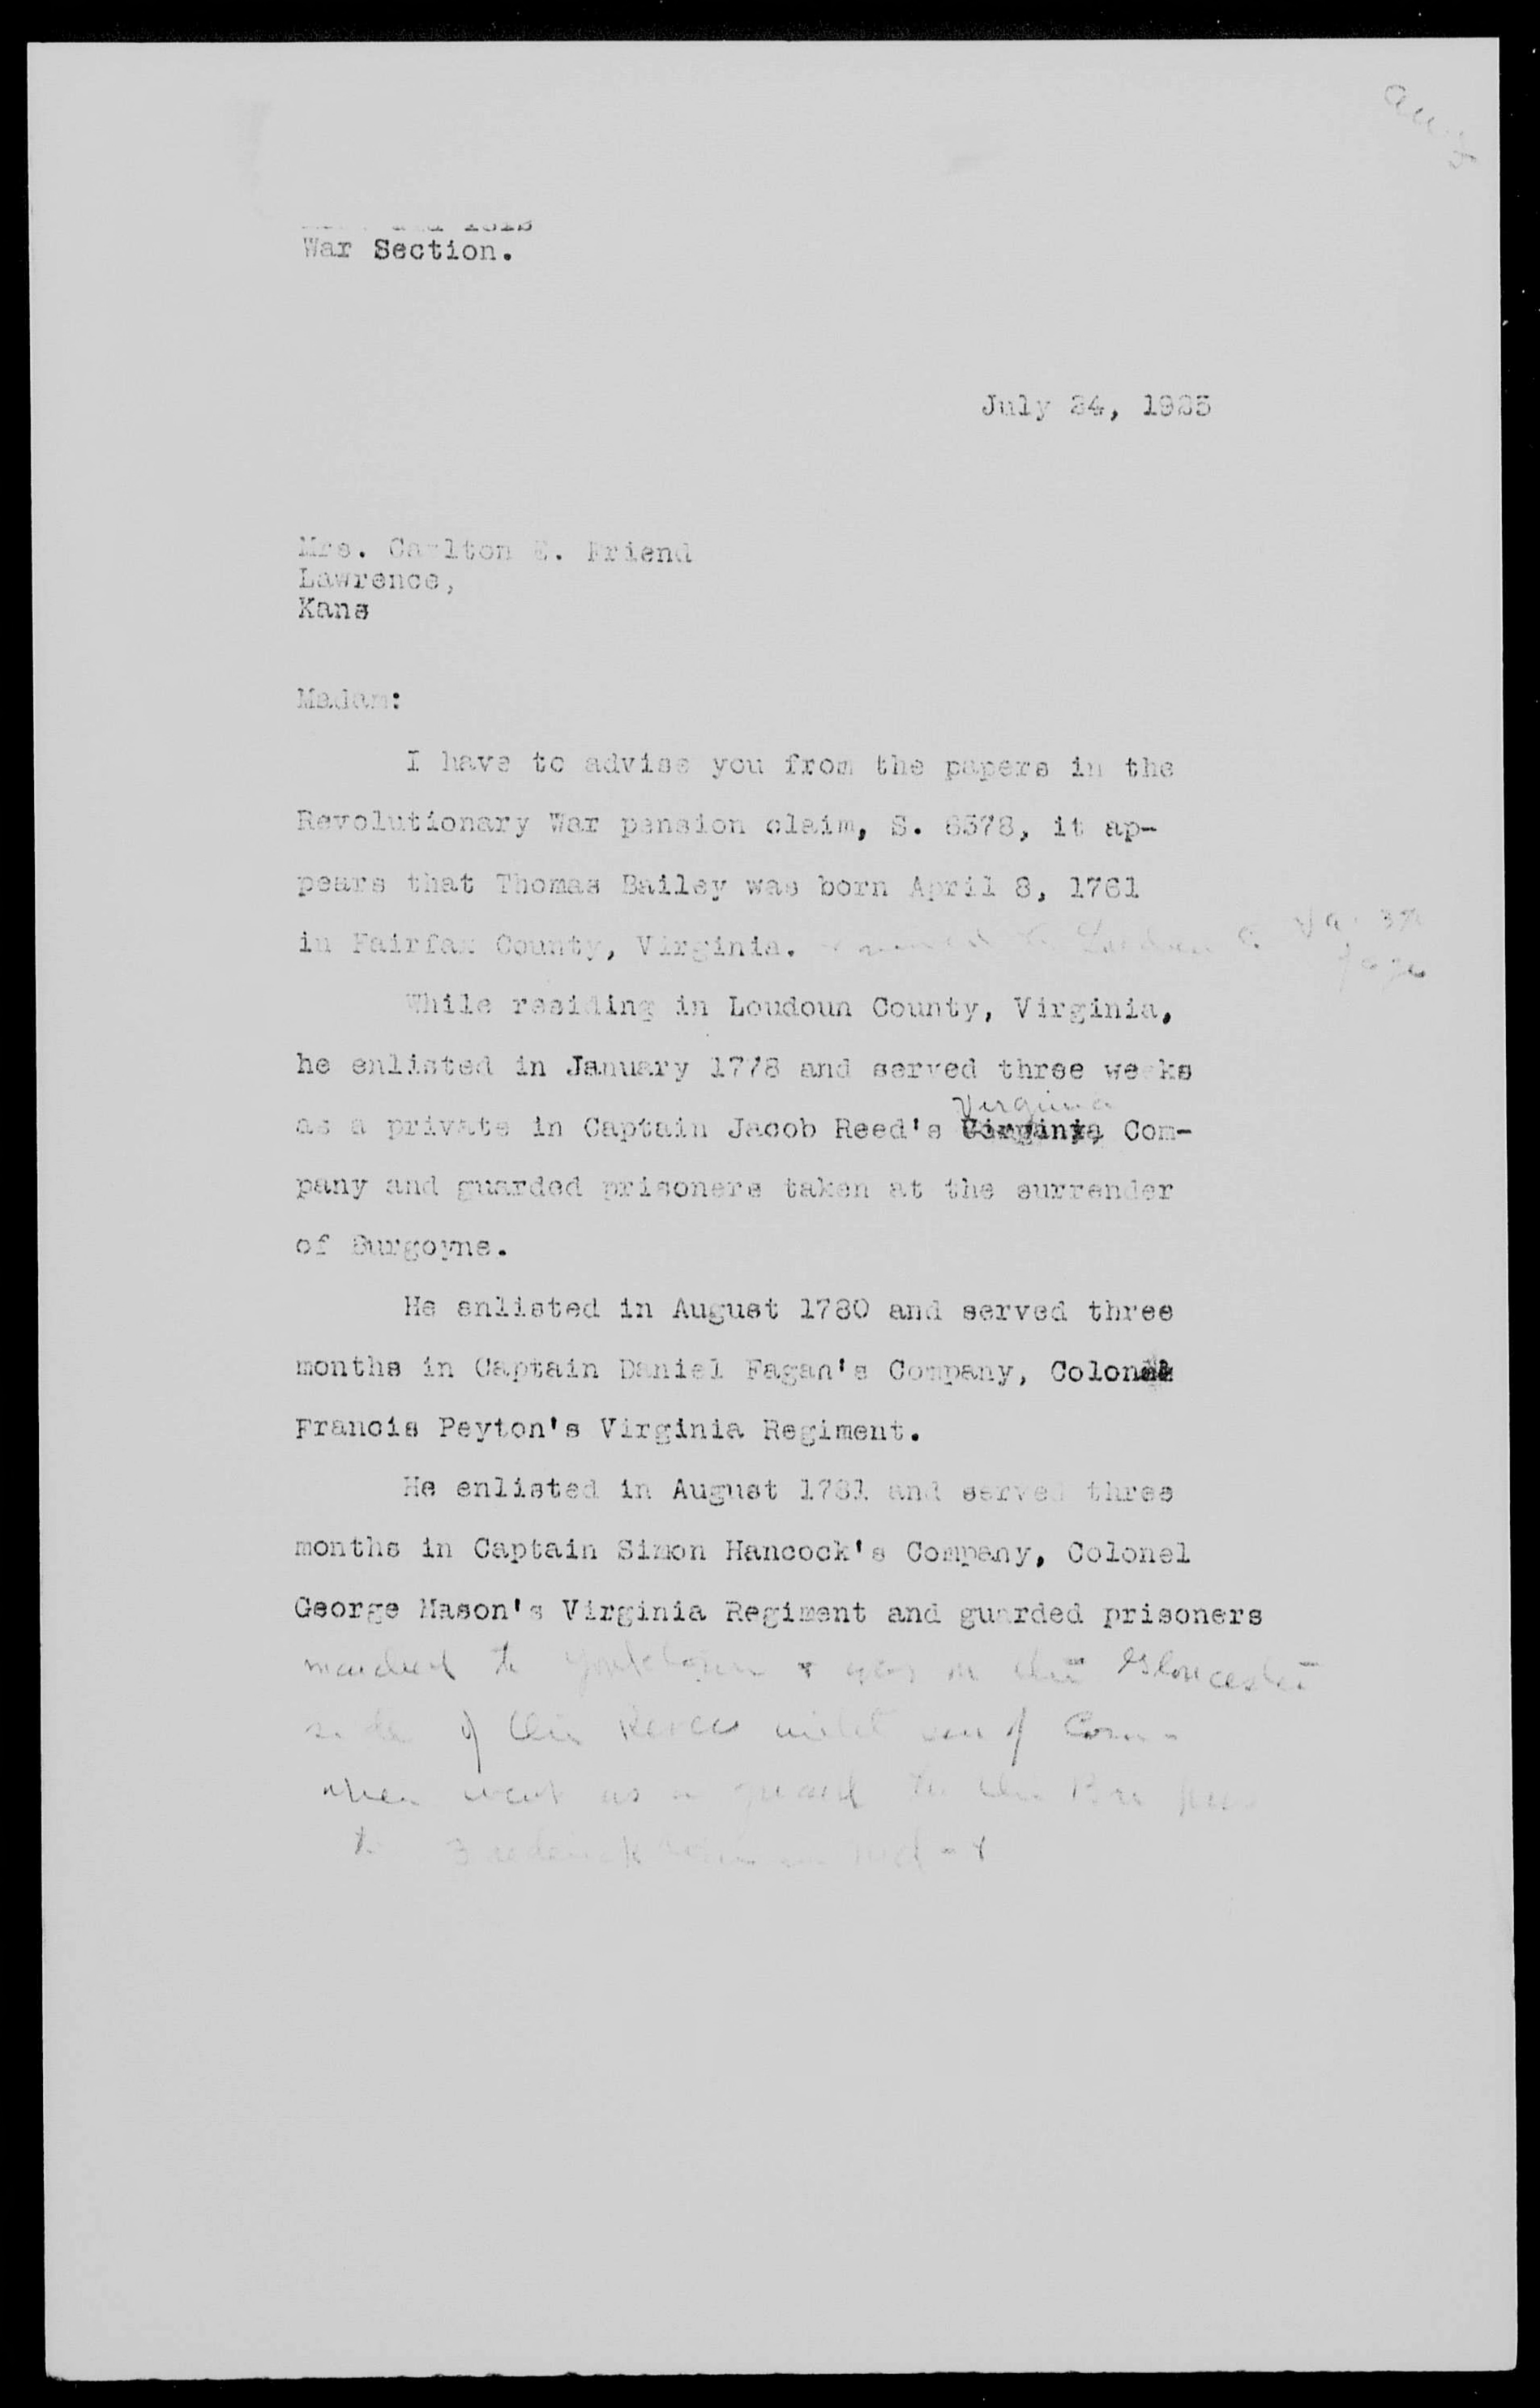War Section.

July 24, 1925
Mrs. Carlton E. Friend
Lawrence,
Kans

Madam:
   I have to advise you from the papers in the
Revolutionary War pension claim, S.6378, it
appears that Thomas Baily was born April 8, 1761
in Fairfax County, Virginia. + moved to Loudoun Co. Va.
   While residing in Loudoun County, Virginia,
he enlisted in January 1778 and served three weeks
as a private in Captain Jacob Reed's Virginia Com-
pany and guarded prisoners taken at the surrender 
of Burgoyne.
   He enlisted in August 1780 and served three
months in Captain Daniel Fagan's Company, Colonel
Francis Peyton's Virginia Regiment.
   He enlisted in august 1781 and served three
months in Captain Simon Hancock's Company, Colonel
George Mason's Virginia Regiment and guarded prisoners
marched to Yorktown + was on the Gloucester
side of the River until sur of Cornwallis 
went as a guard to the Bri pris
[this line is illegible]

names: Carlton E Friend, Thomas Bailey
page: 16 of 18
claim: survivor's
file: S. 6578, Thomas Bailey, Va.